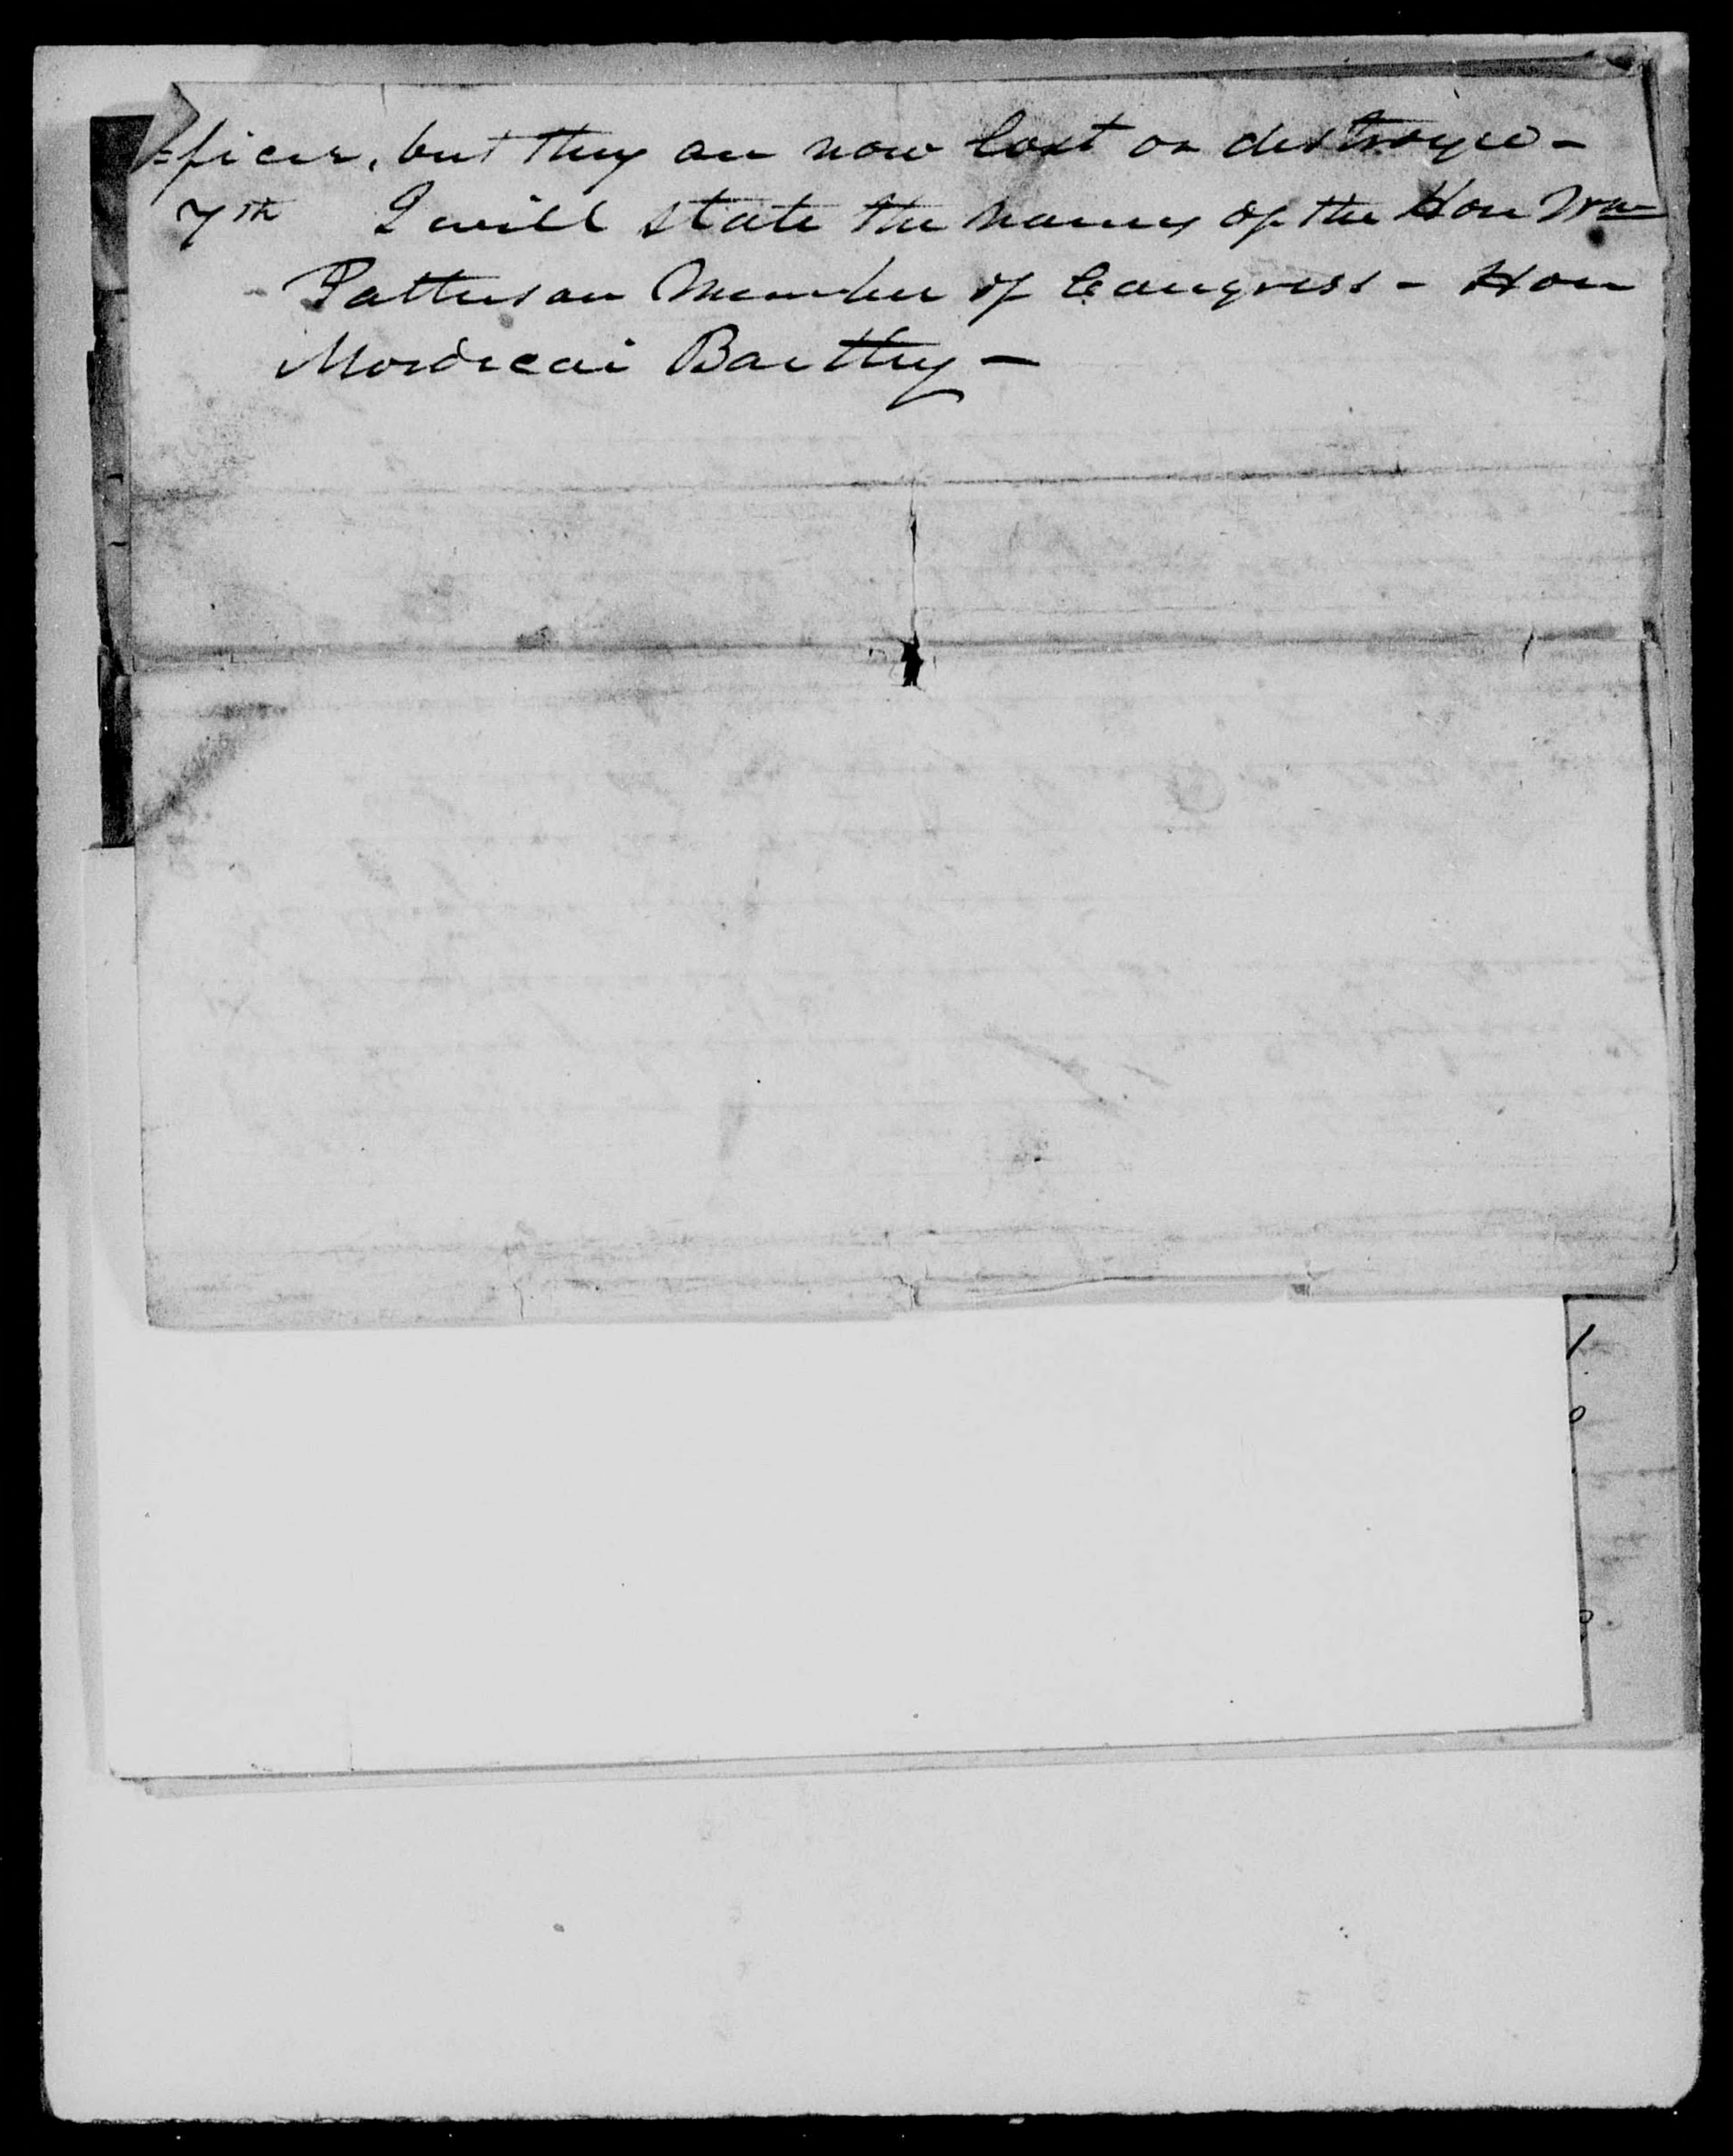officer, but they are now lost or destroyed-
7th I will state the names of the Hon Wm Patterson Member of Congress - Hon Mordecai Bartley-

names: Wm Patterson, Mordecai Bartley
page: 23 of 33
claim: survivor's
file: S. 9587, William Holson, Va.